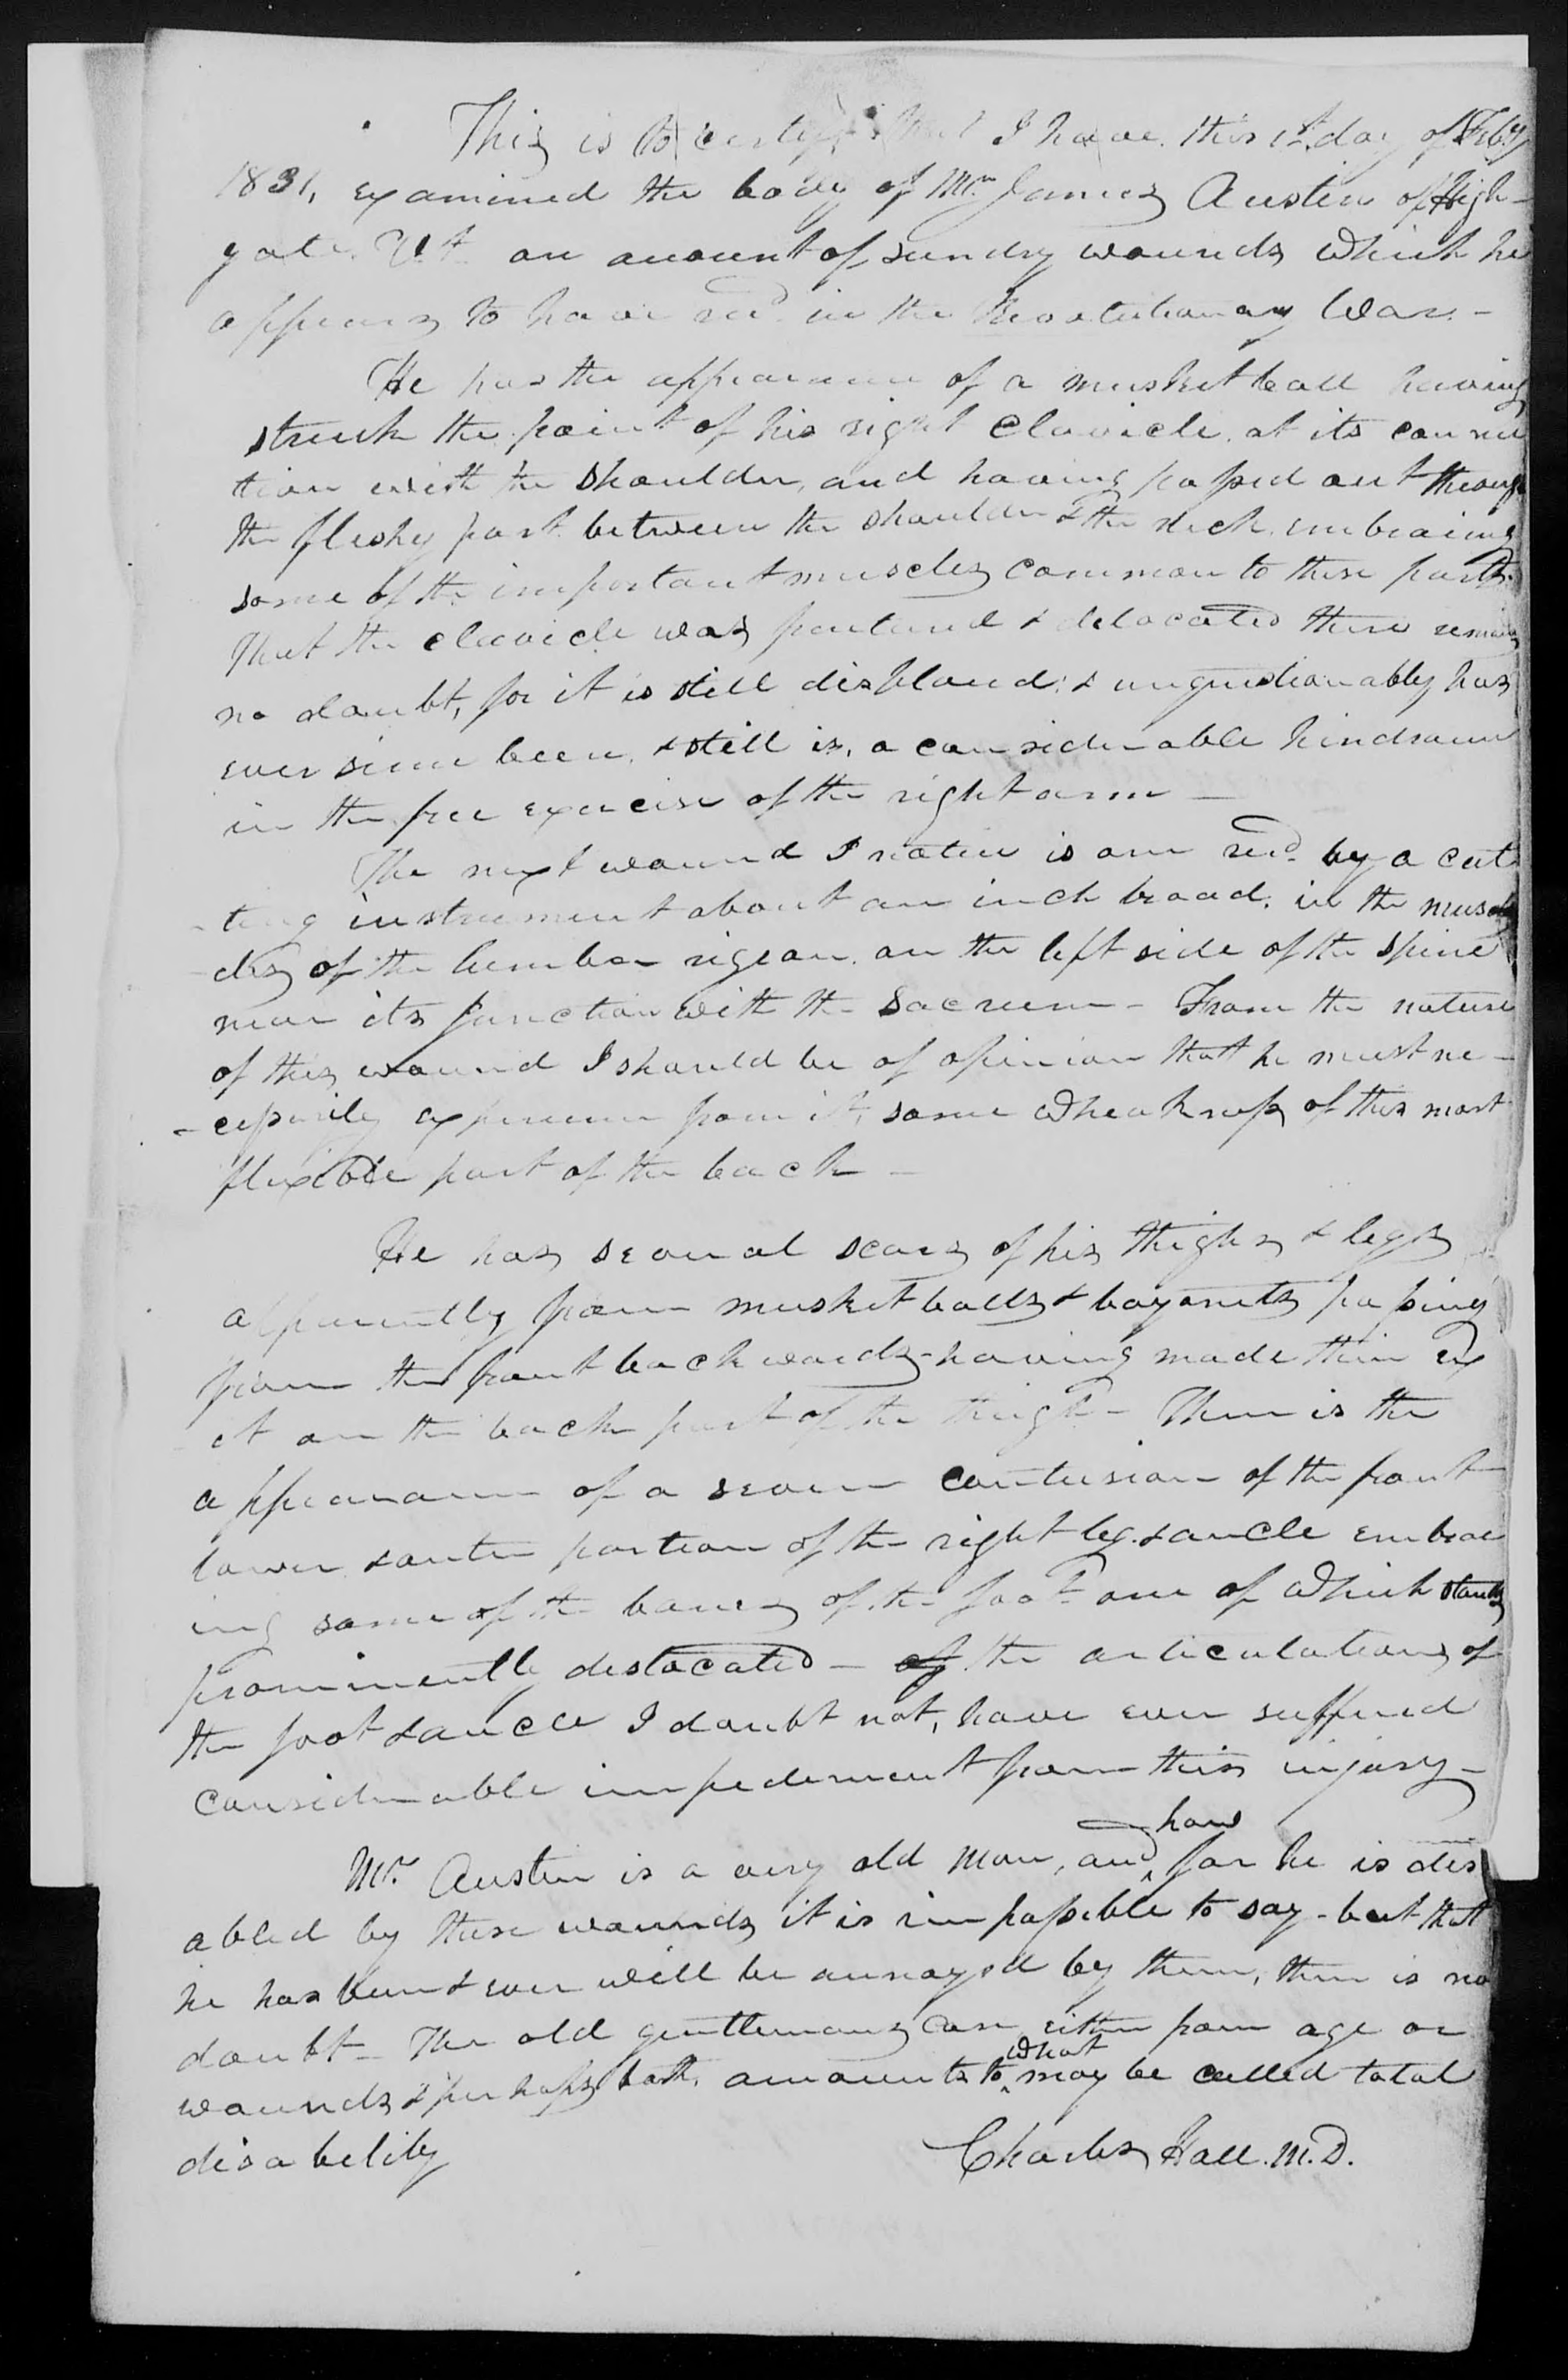This is to certify that I have this day of AD Feb 1831, examined the body of Mr. James Austin of Highgate, Vt on account of sundry wounds which he appears to have {illegible] in the Revolutionary War.
He has the appearance of a musket ball receiving struck the point of his right clavicle at its connection with the shoulder and having passed on through the fleshy part between the shoulder & the neck, embracing some of the importace & muscles common to these parts. That the clavicle was fractured and delacated there remains no doubt, for it is still displaced; & unquestionably has ever since been, & still is, a considerable hindrance in the free exercise of the right arm.
The next wound I notice is one recd by a cutting instrument about an inch broad, in the muscles of the lumbar region on the left side of the spine near its junction with the sacrum - From the nature of this wound I should be of opinion that he 

He has several scars of his thighs & legs apparently from musket balls and bayonets 

Mr. Austin is a very old man, and as far he is disabled by these wounds it is impossible to say - but that he has been & ever will be managed by them, this is no doubt - The old gentleman can whither from age or wounds & perhaps both, amounts to what may be called total disability
Charles Hall. M. D.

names: James Austin, Austin, Charles Hall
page: 56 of 100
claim: survivor's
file: S 19186, James Austin, Conn. New York R.I.